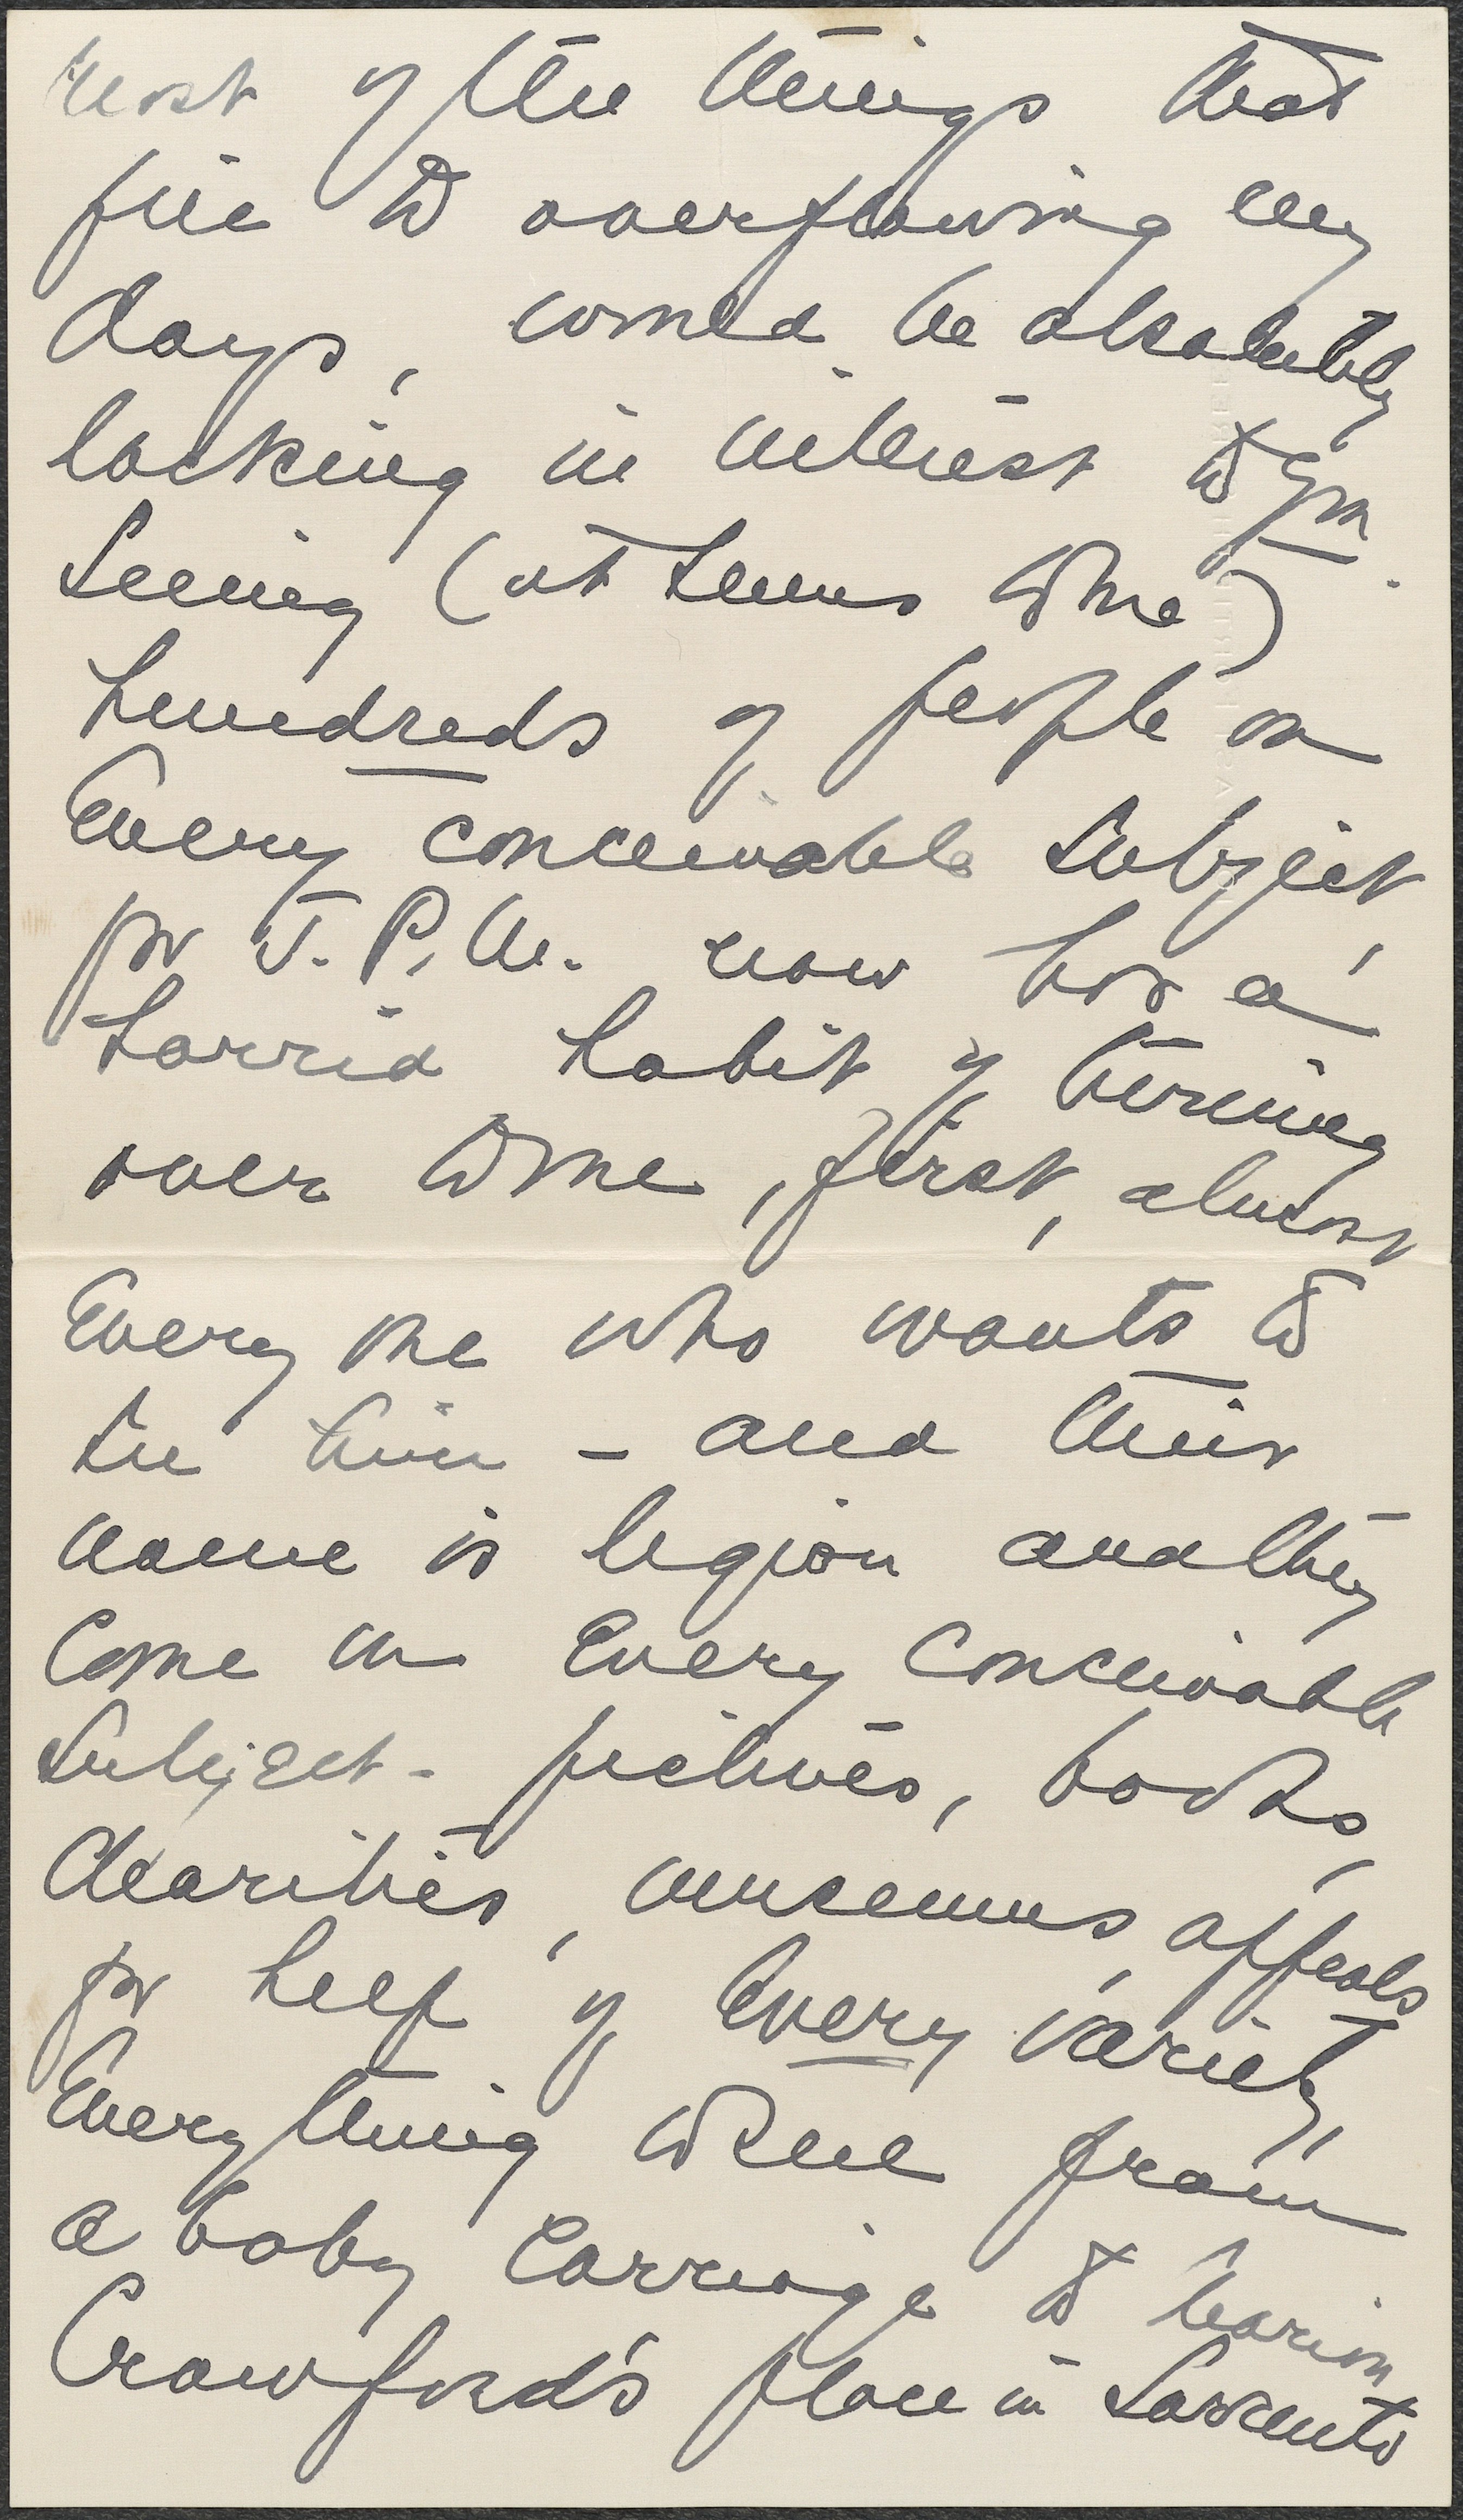most of the things that fill to overflowing my days, would be absolutely lacking in interest to you. Seeing (it seems to me) hundreds of people on every conceivable subject, for J. P. M. now has a horrid habit of turning over to me, first, almost every one who wants to see him – and their name is legion and they come on every conceivable subject – pictures, books, charities, museums, appeals for help of every variety, everything to sell from a baby carriage to Marion Crawford’s place in Sorrento